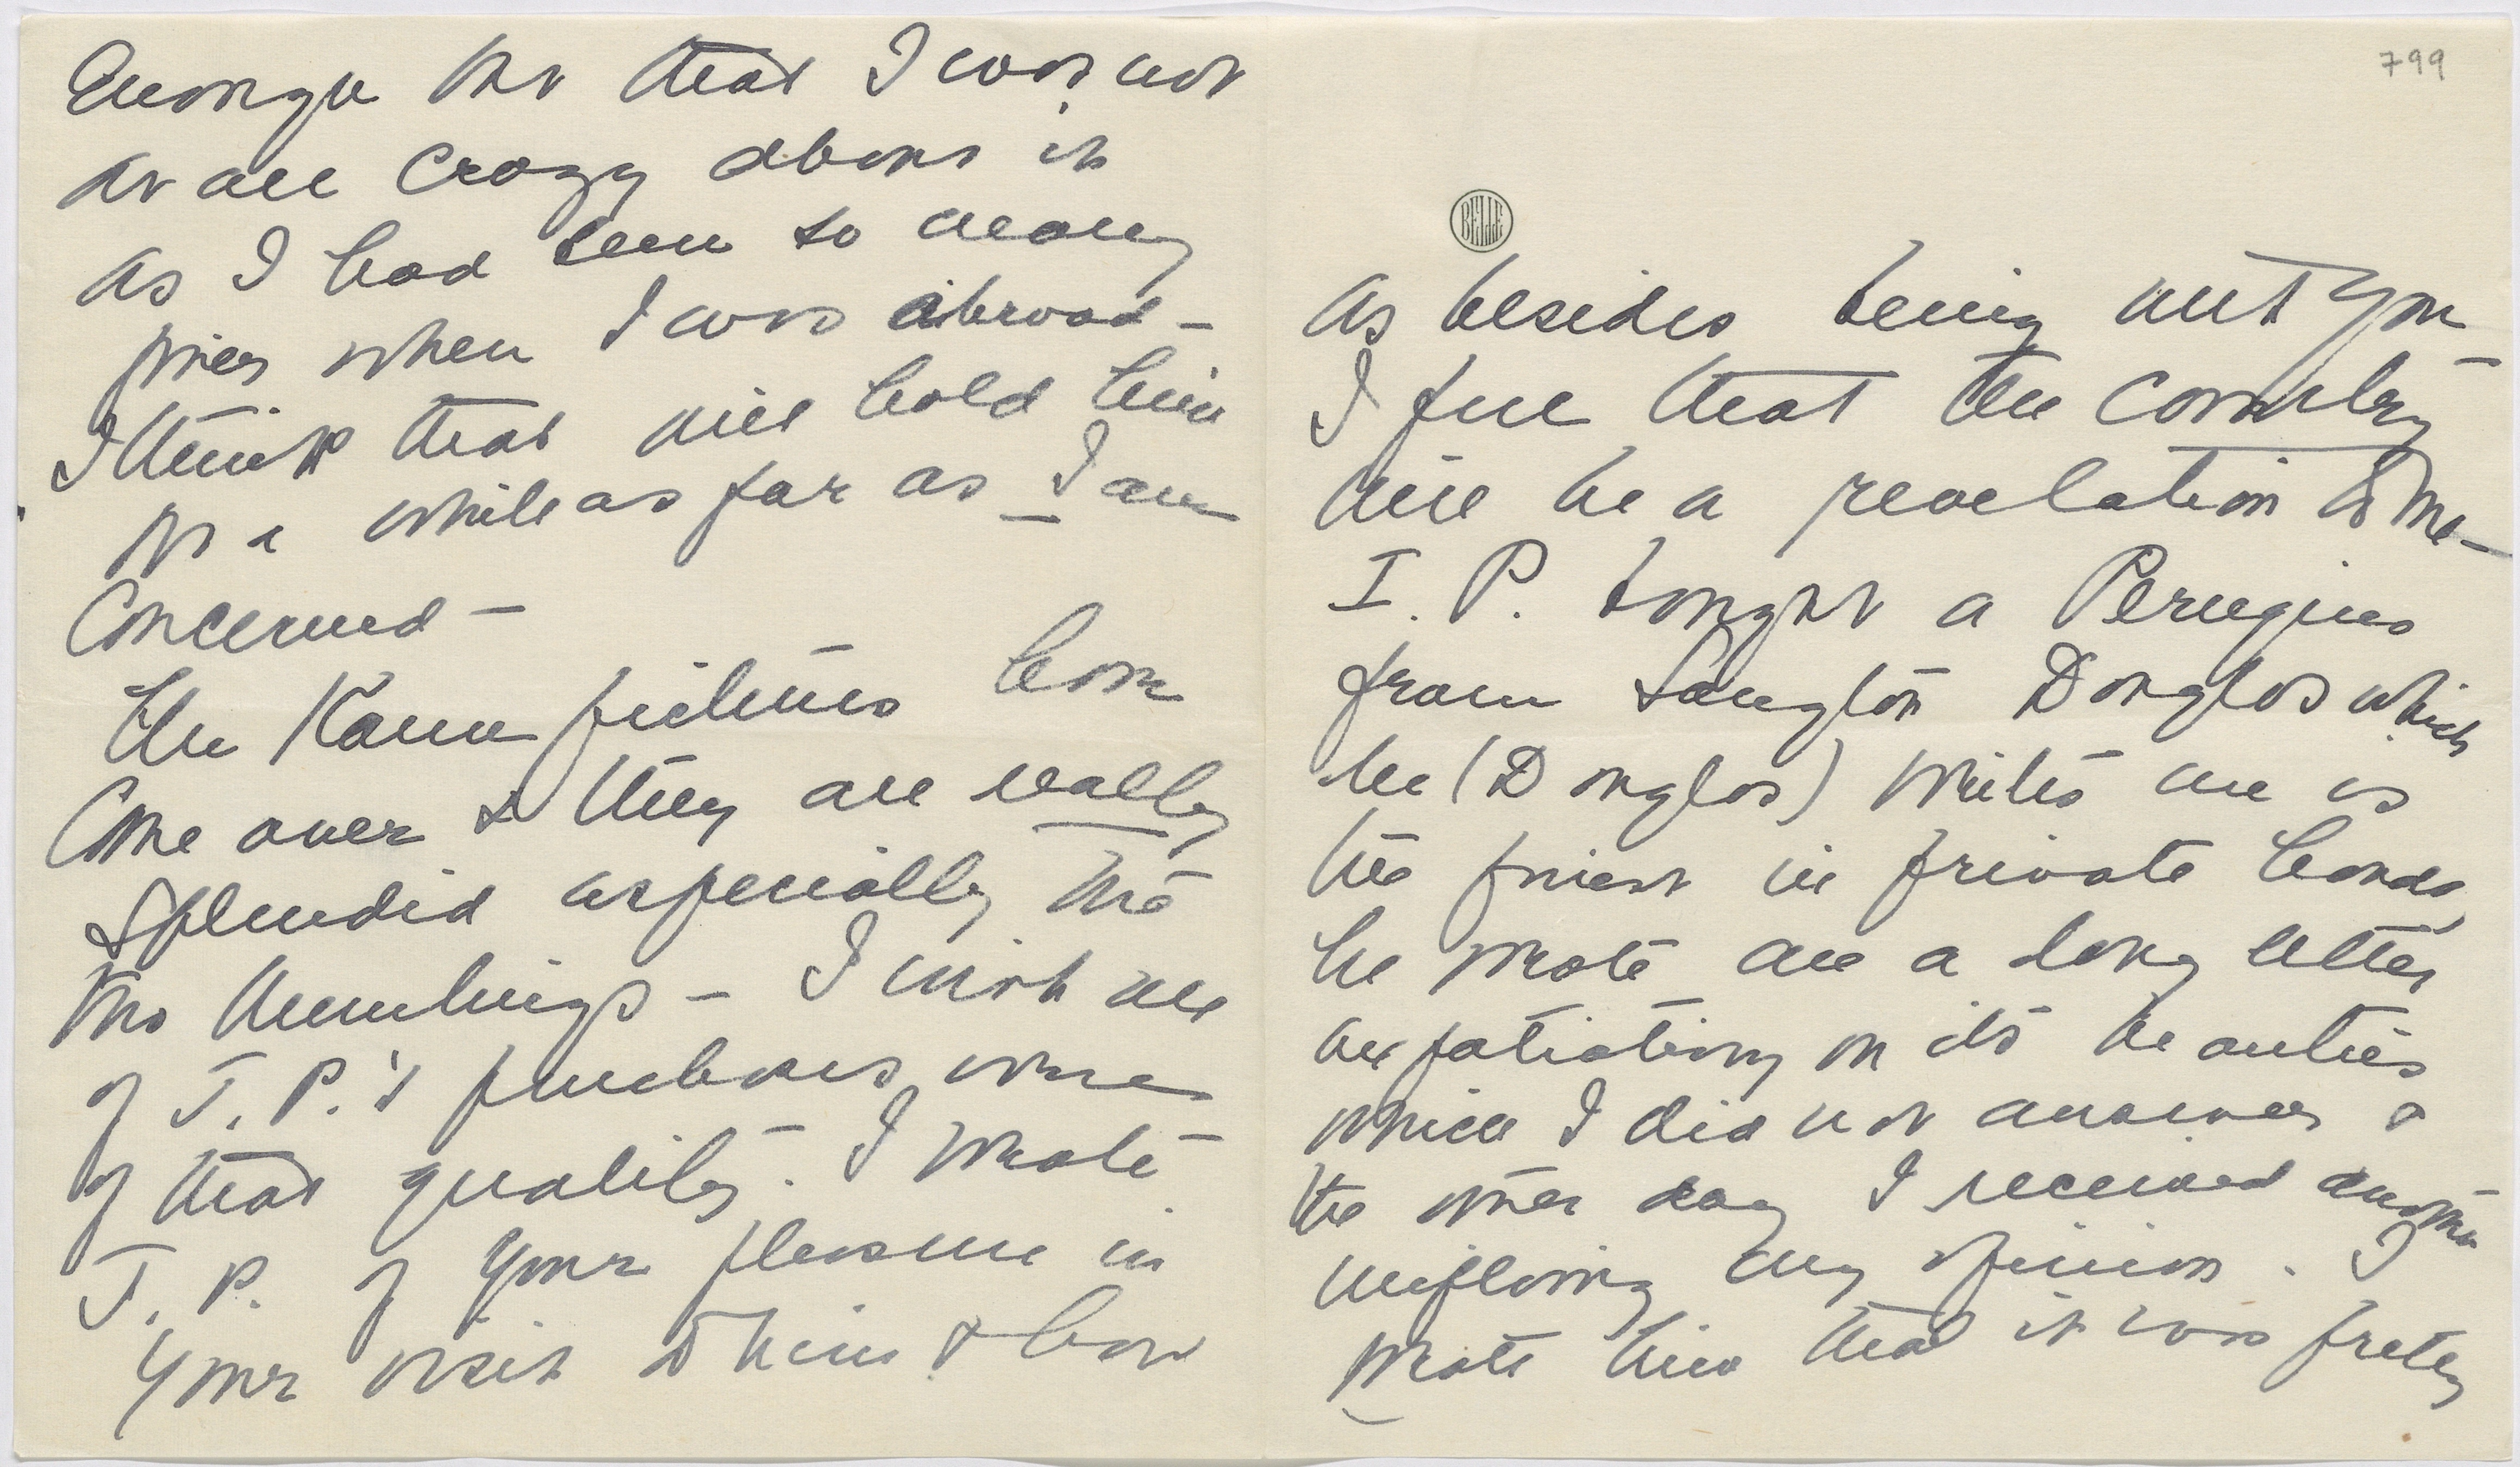as besides being with you I feel that the country will be a revelation to me – J. P. bought a Peregino from Langton Douglas which he (Douglas) writes me is the finest in private hands, he wrote me a long letter expatiating on its beauties which I did not answer & the other day I received another imploring my opinion – I wrote him that it was pretty
Enough but that I was not at all crazy about it as I had seen so many finer when I was abroad – I think that will hold him off a while as far as I am concerned –
The Kann pictures have come over & they are really splendid especially the two Memlings – I wish one of J. P.’s purchases were of that quality. I wrote J. P. of your pleasure in your visit to him & how